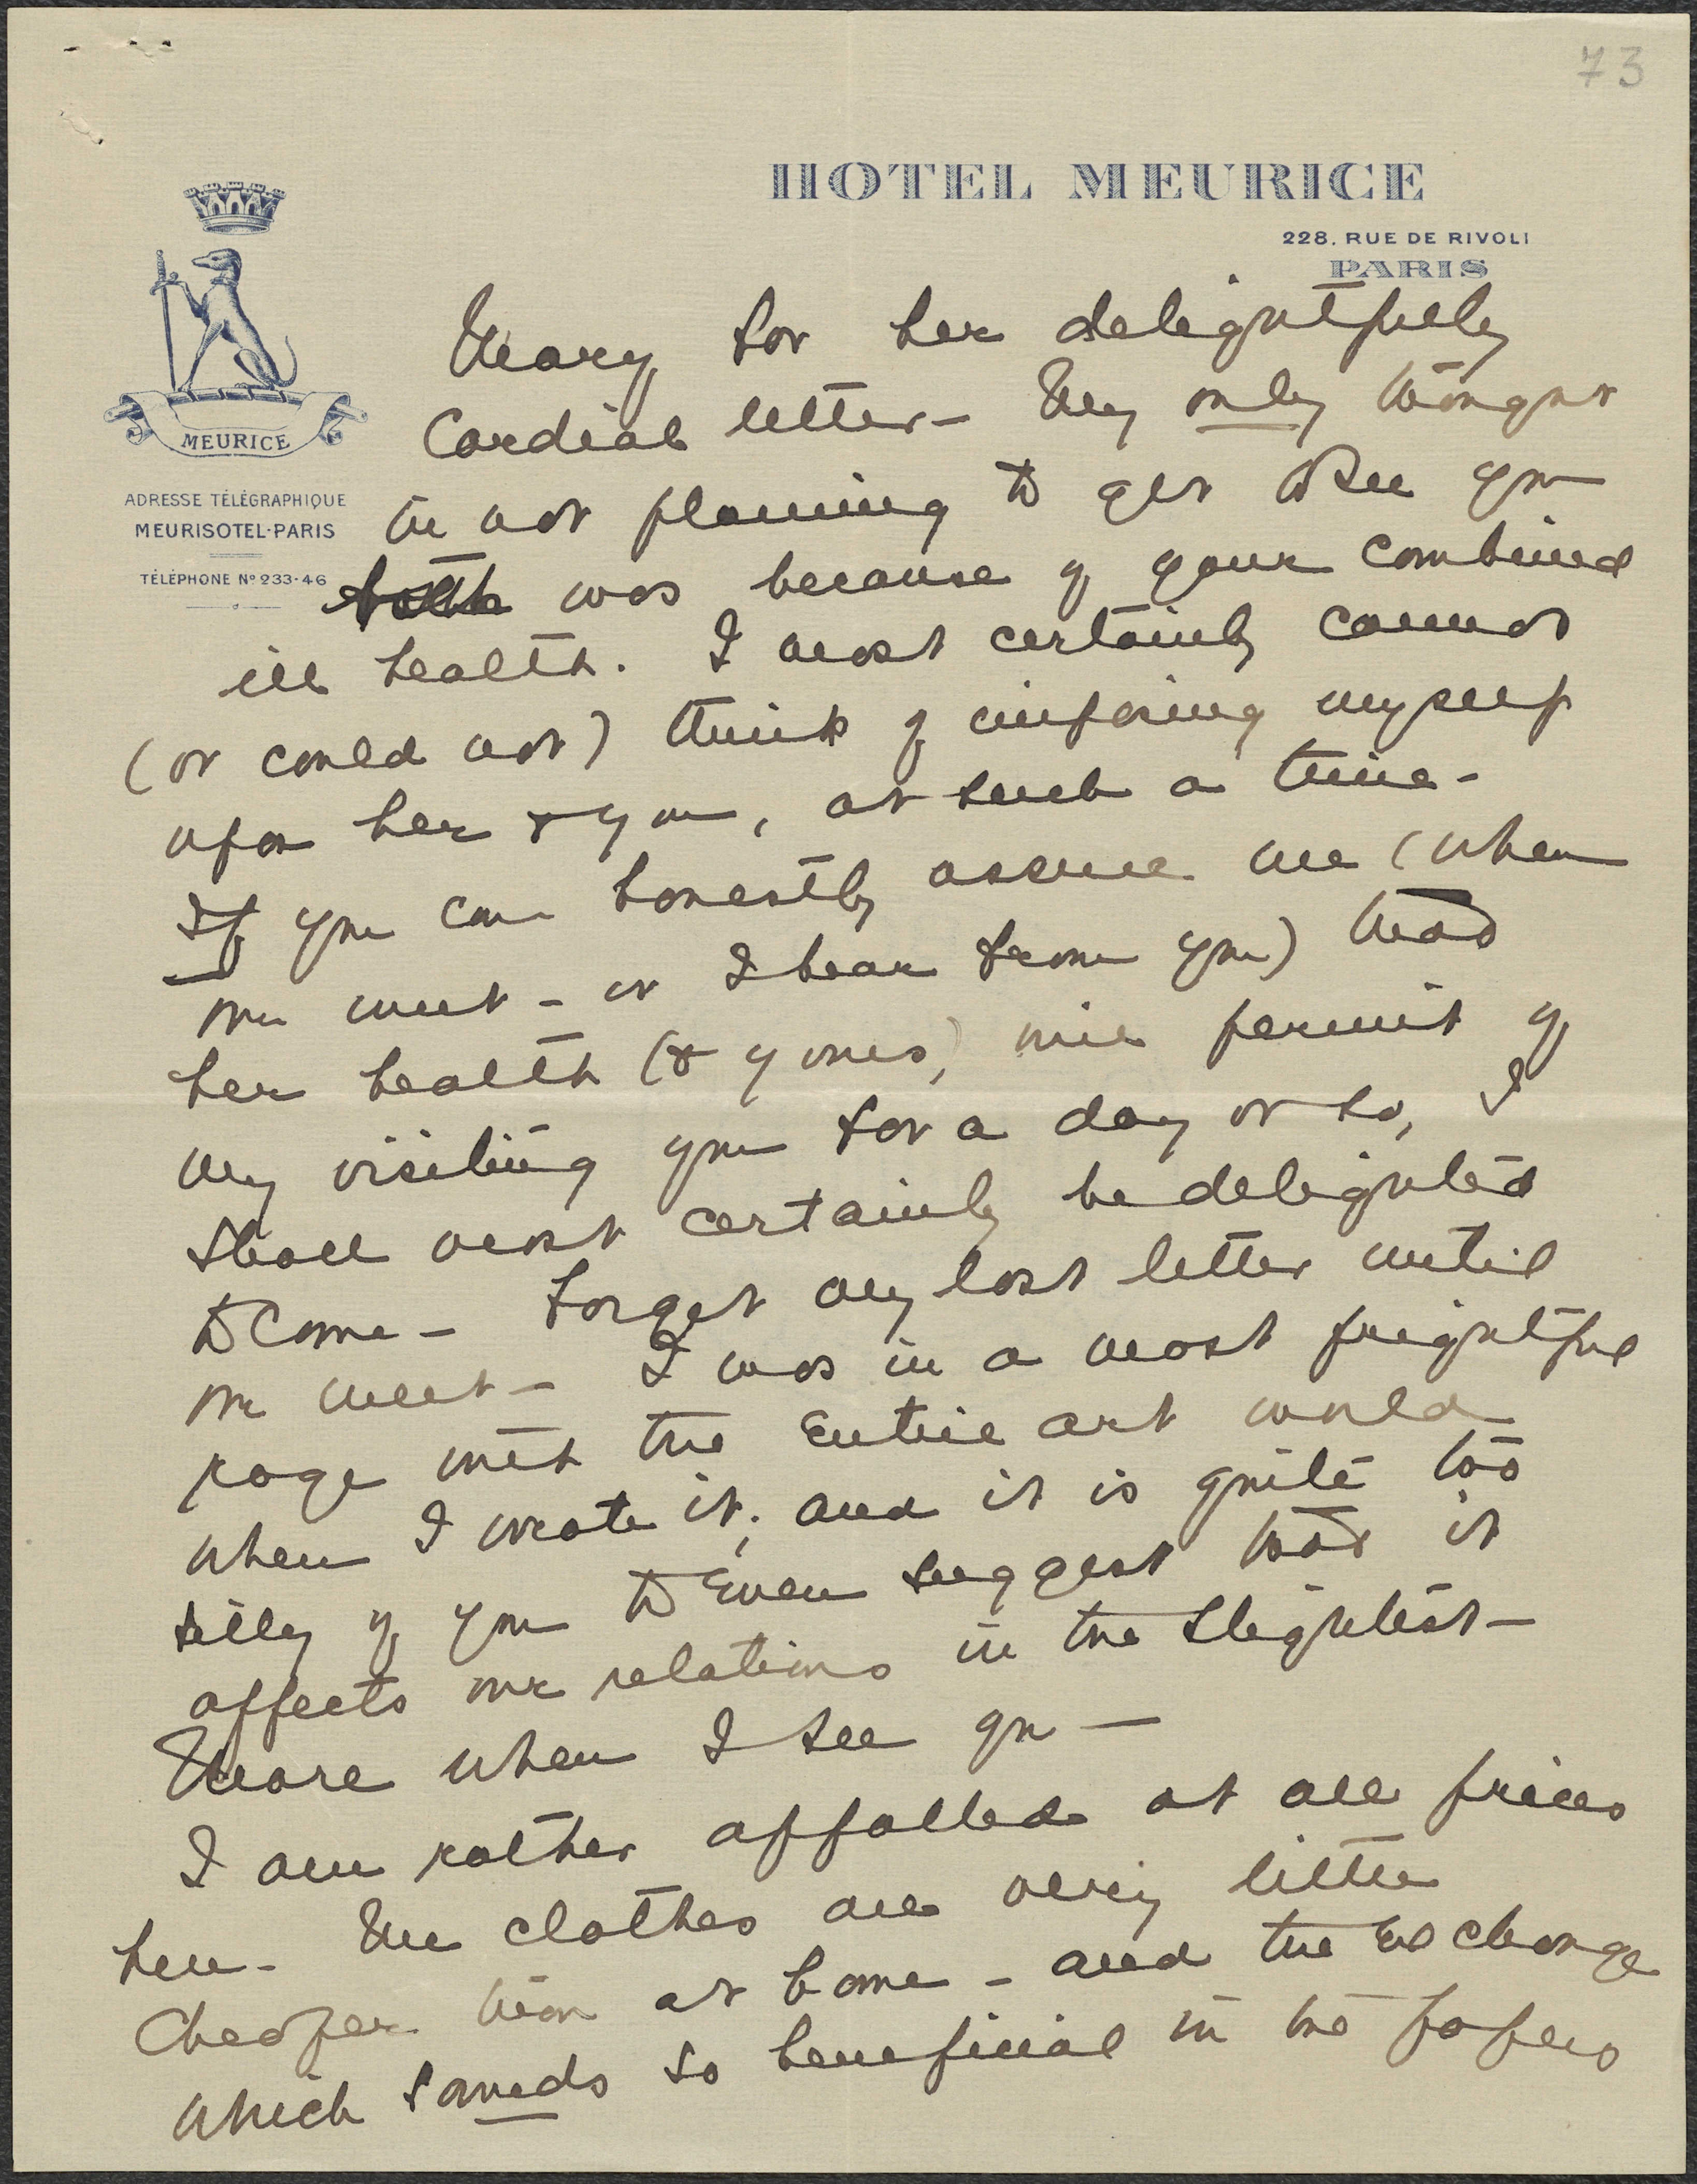Mary for her delightfully cordial letter – My only thought in not planning to get to see you both was because of your combined ill health. I most certainly cannot (or could not) think of imposing myself upon her & you, at such a time –
If you can honestly assure me (when we meet – or I hear from you) that her health (& yours) will permit of my visiting you for a day or so, I shall most certainly be delighted to come – forget my last letter until we meet – I was in a most frightful rage with the entire art world when I wrote it; and it is quite too silly of you to even suggest that it affects our relations in the slightest –
More when I see you –
I am rather appalled at all prices here. The clothes are very little cheaper than at home – and the exchange which sounds so beneficial in the papers